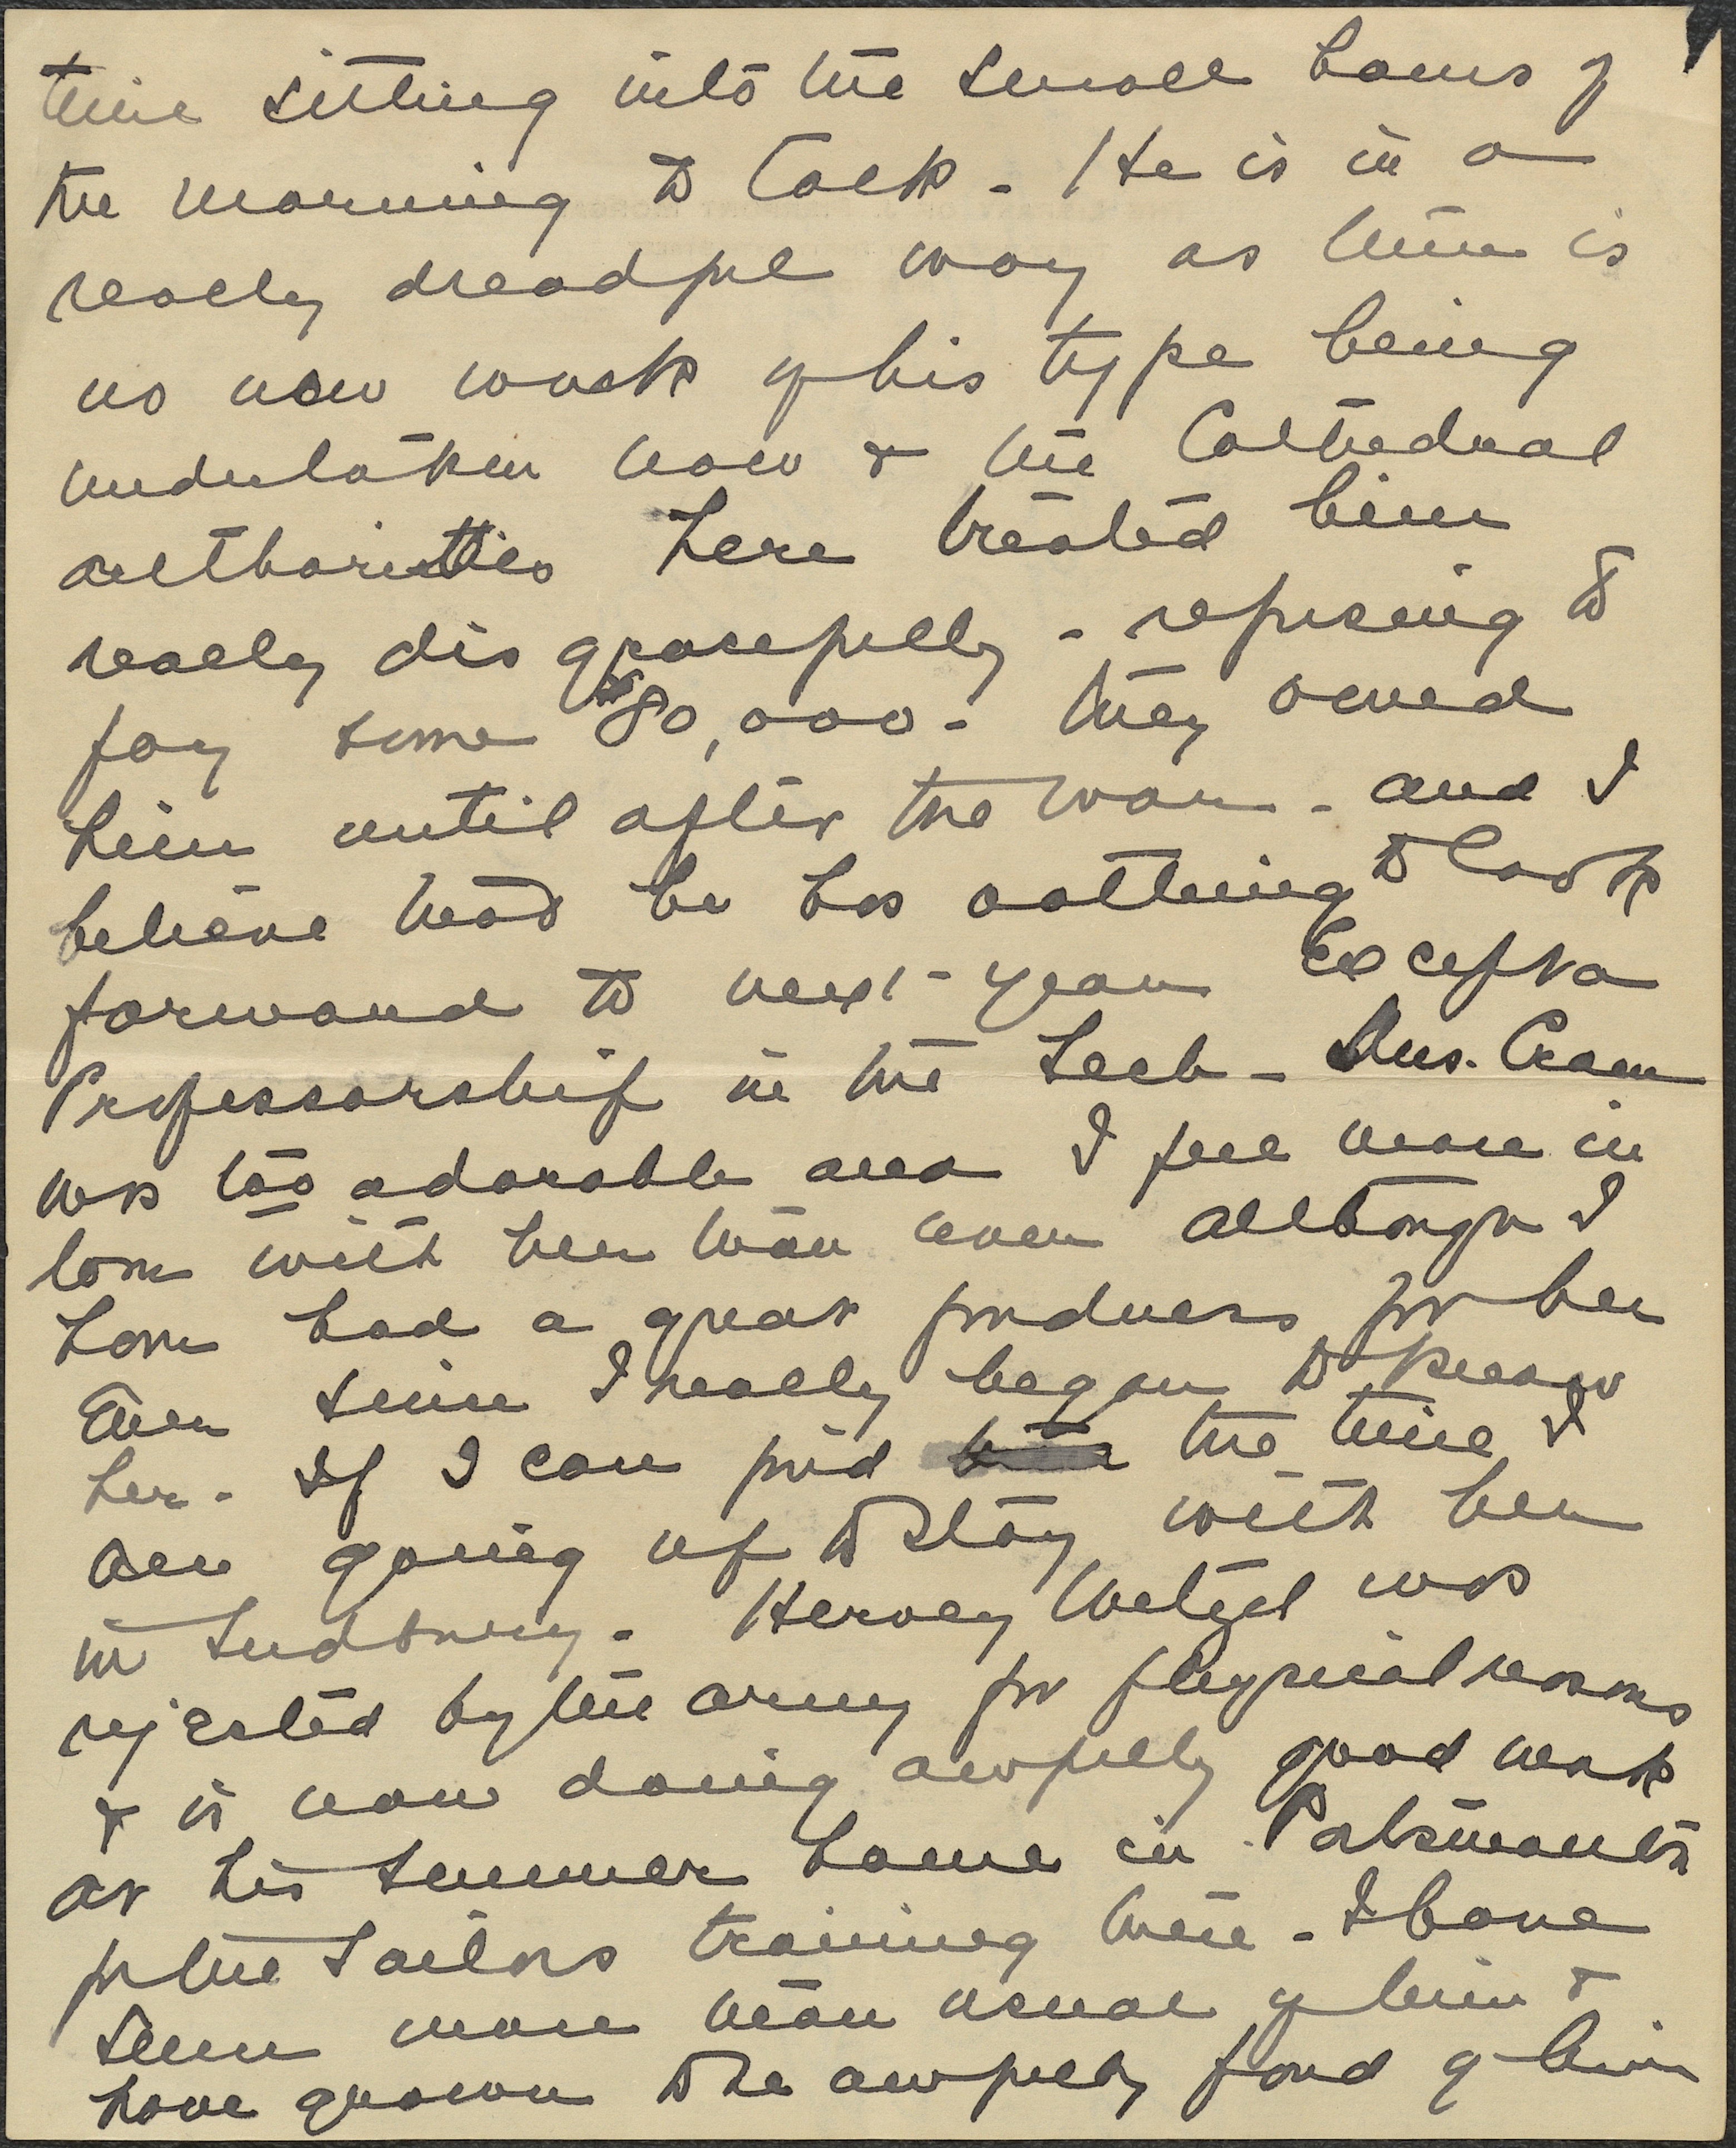time sitting into the small hours of the morning to talk – He is in a really dreadful way as there is no new work of his type being undertaken now & the Cathedral authorities here treated him really disgracefully – refusing to pay some $80,000 – they owed him until after the war – and I believe that he has nothing to look forward to next year except a professorship in the Loeb – Mrs. Cram was too adorable and I feel more in love with her than ever although I have had a great fondness for her ever since I really began to know her. If I can find [illegible deletion] the time I am going up to stay with her in Sudbury – Harvey Wetzel was rejected by the army for physical reasons & is now doing awfully good work at his summer home in Portsmouth for the sailors training there – I have seen more than usual of him & have grown to be awfully fond of him